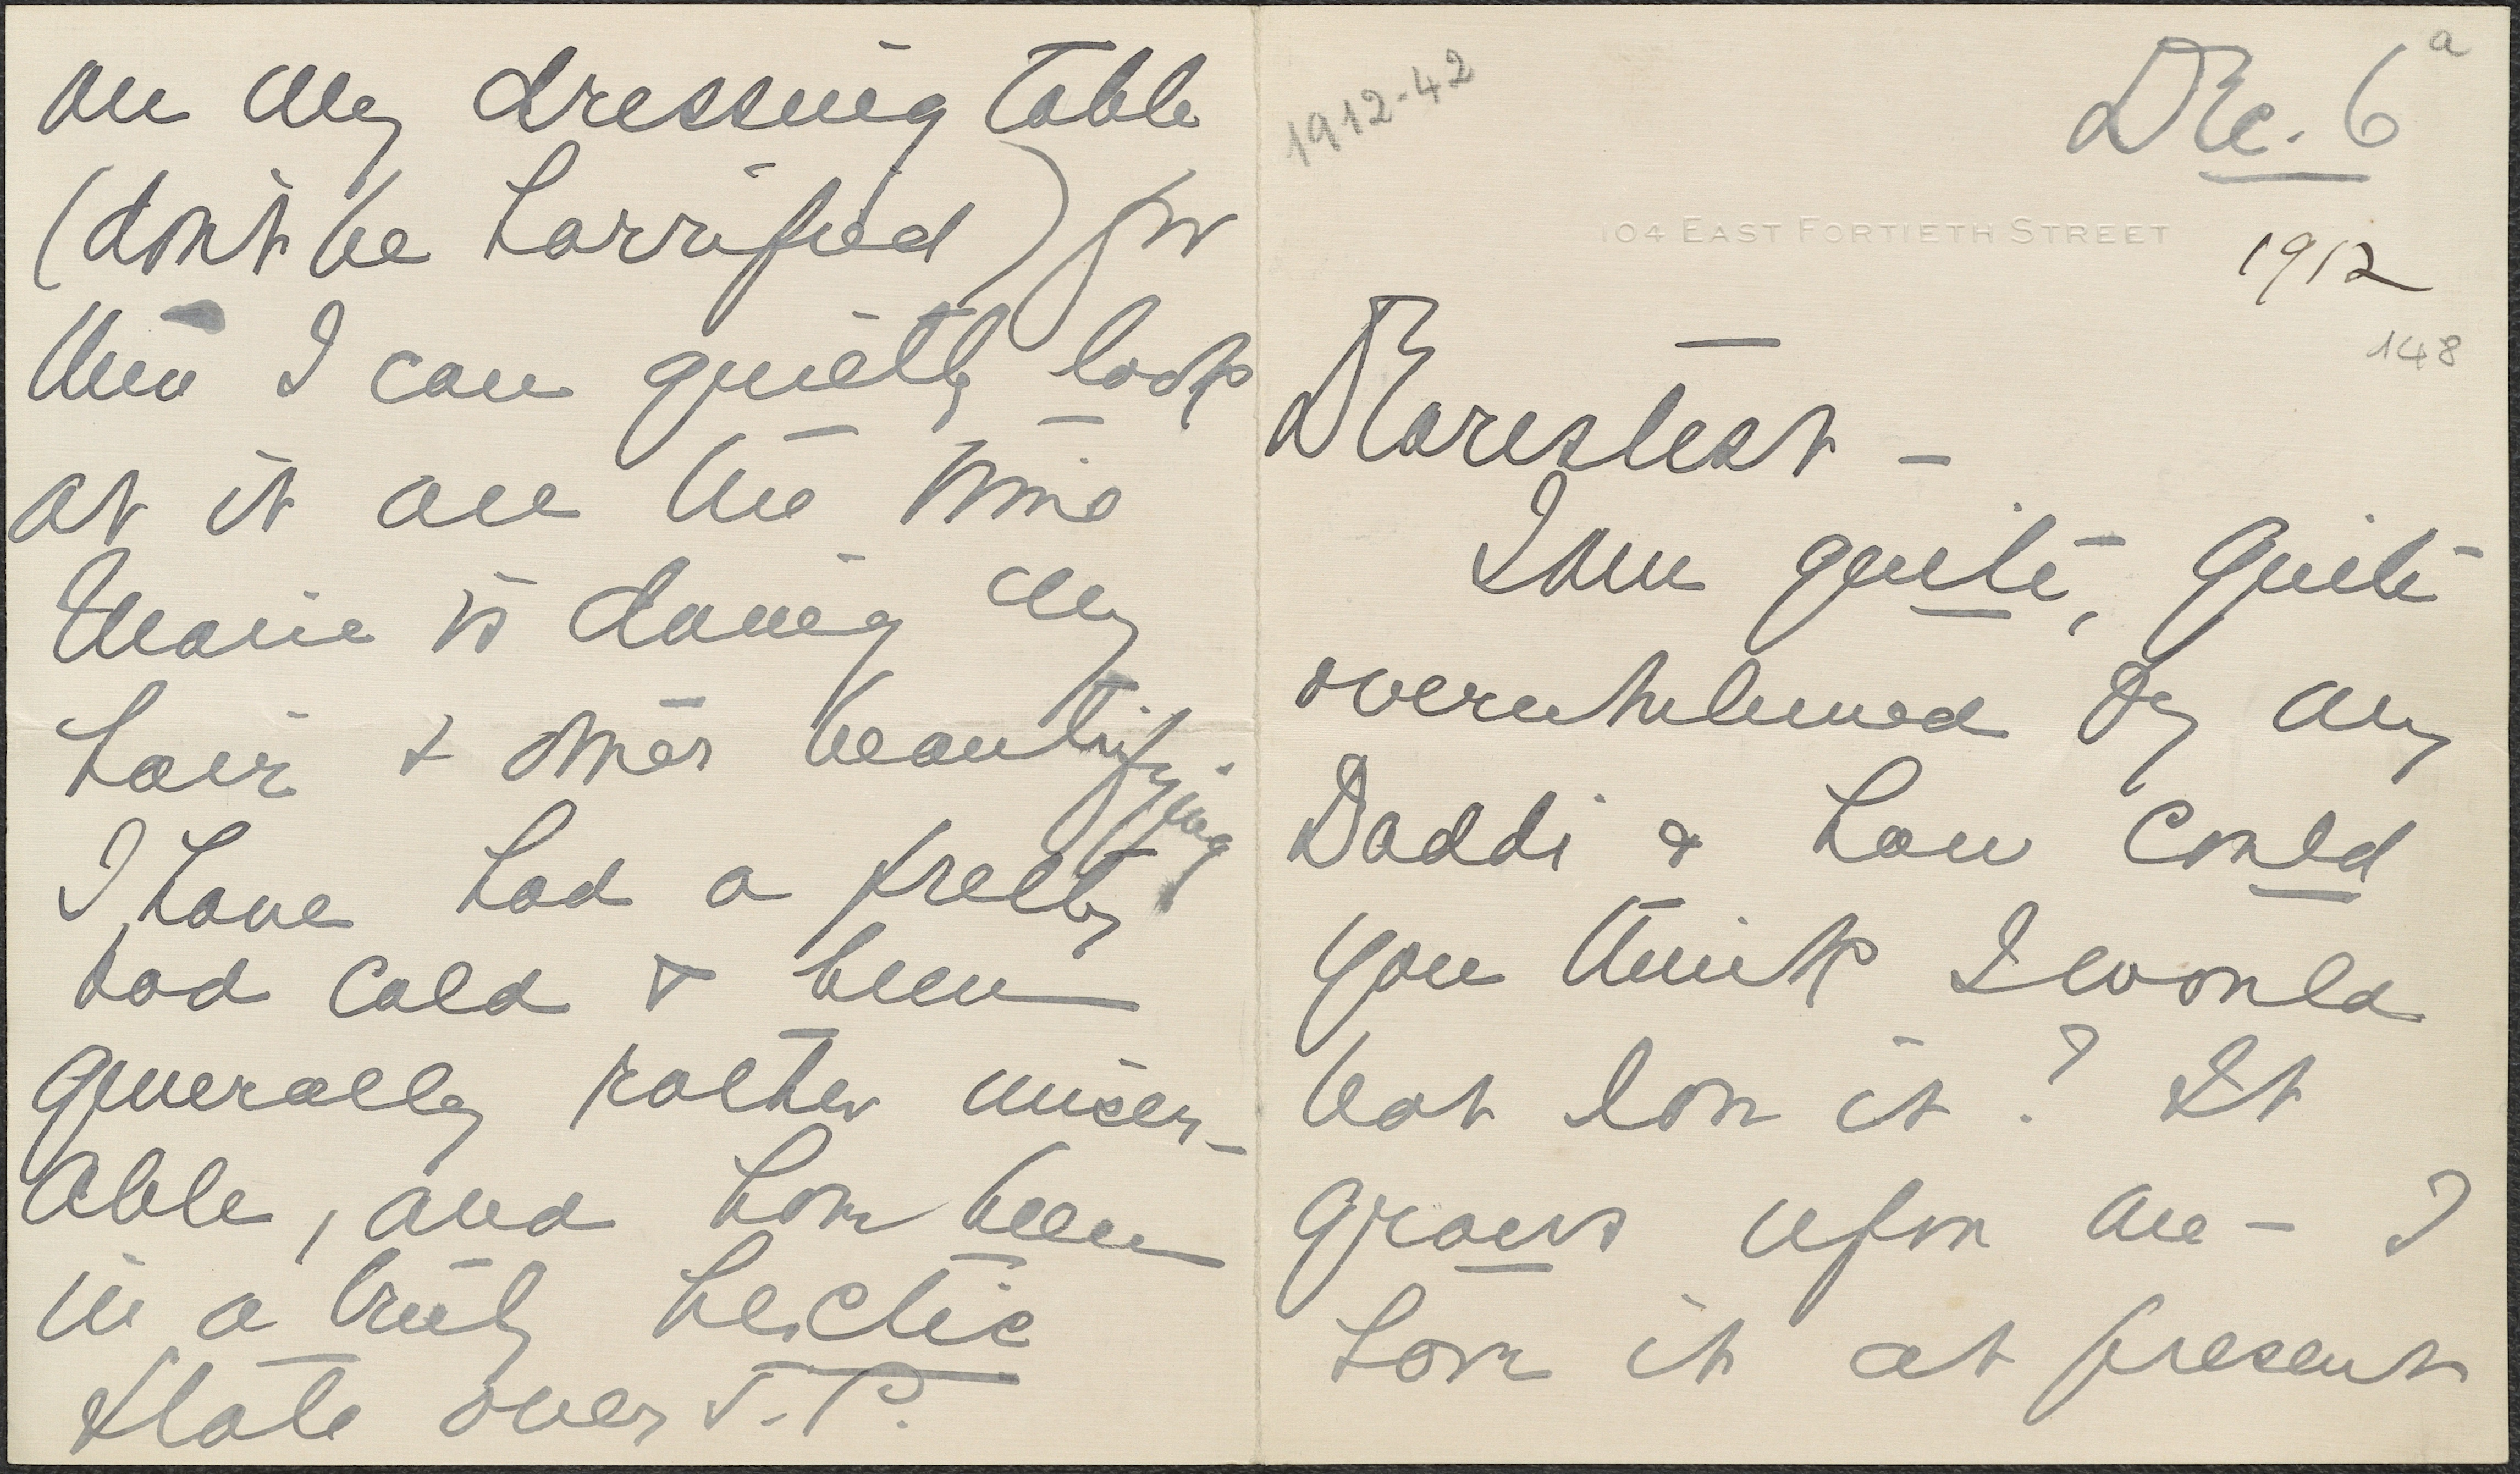Dec. 6
Dearestest –
I am quite, quite overwhelmed by my Daddi & how could you think I would not love it? It grows upon me – I have it at present
on my dressing table (don’t be horrified) for then I can quietly look at it all the time Marie is doing my hair & other beautifying I have had a pretty bad cold & been generally rather miserable, and have been in a truly hectic state over J. P.